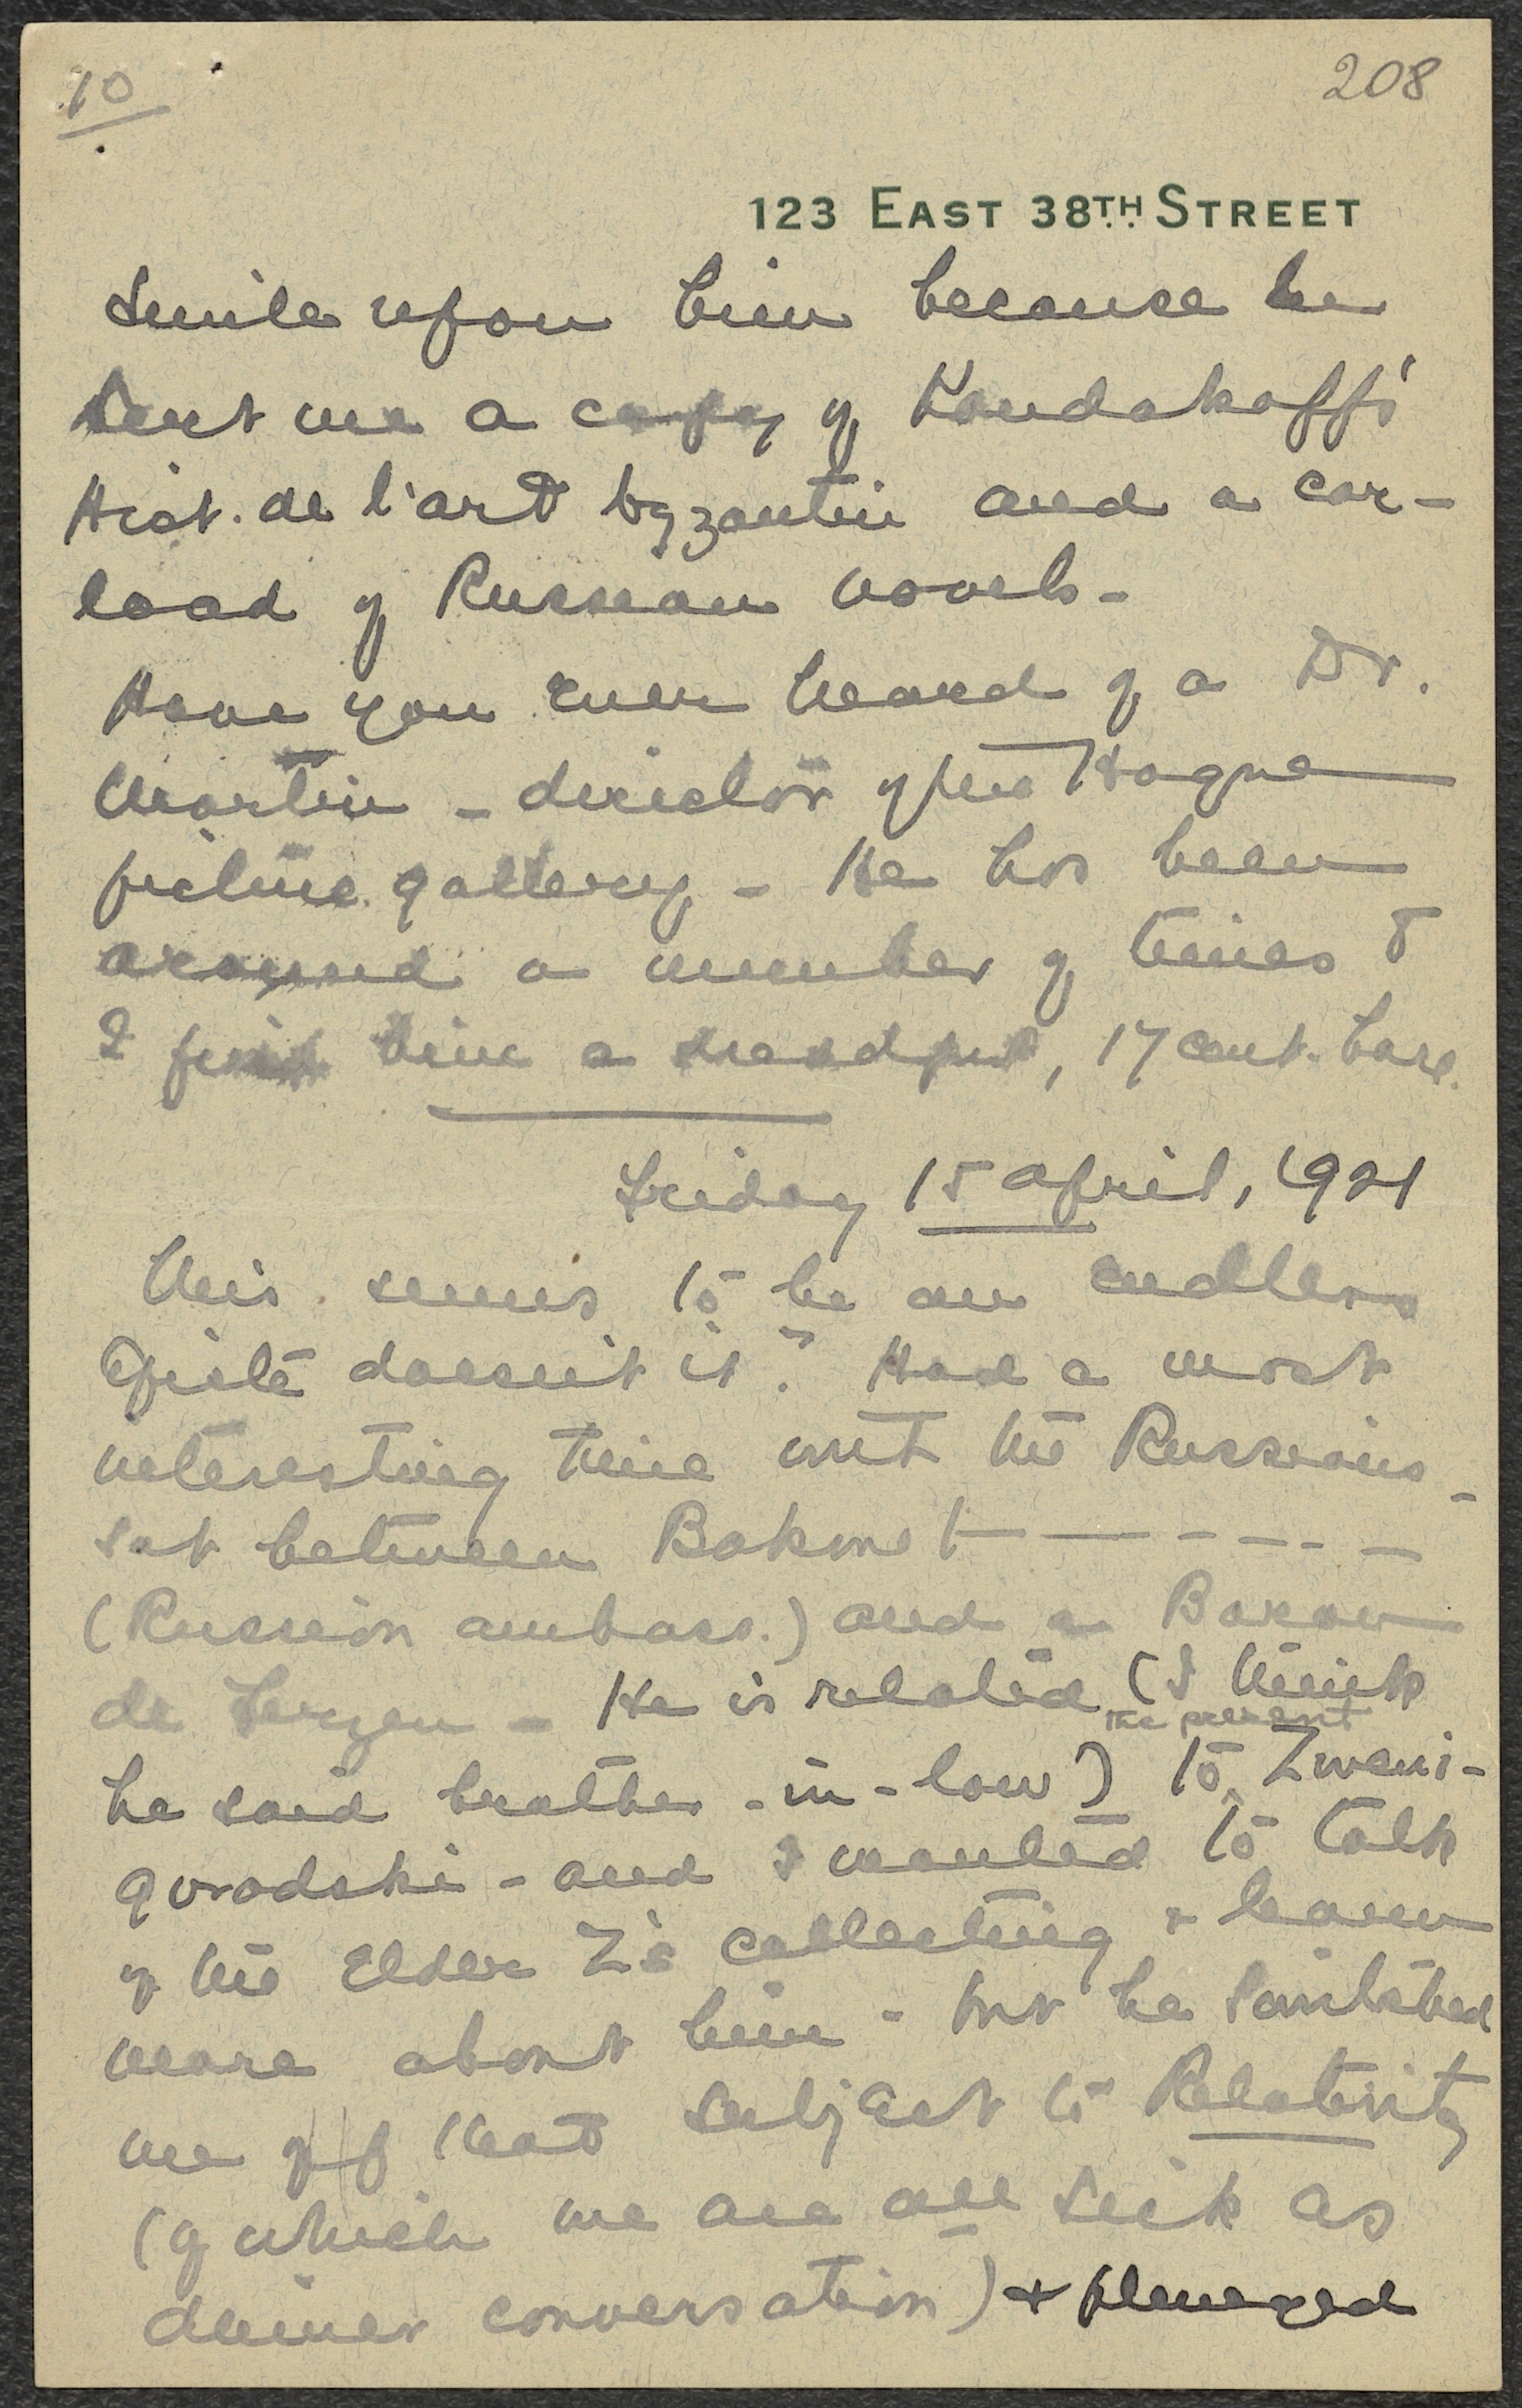smile upon him because he sent me a copy of Kondakoff’s Hist. de l’art byzantin and a carload of Russian novels – Have you ever heard of a Dr. Martin – director of The Hague picture gallery – He has been around a number of times & I find him a dreadful, 17 cent. bore.
Friday 15 April, 1921
This seems to be an endless epistle doesn’t it? Had a most interesting time with the Russians – sat between Boknet – – – – – – – (Russian ambass.) and a Baron de Larzen – He is related (I think he said brother-in-law) to [^the present^] Zwenigurodski – and I wanted to talk of the Elder Z’s collecting & learn more about him – but he [illegible] me off that subject to Relativity (of which we are all sick as dinner conversation) & plunged